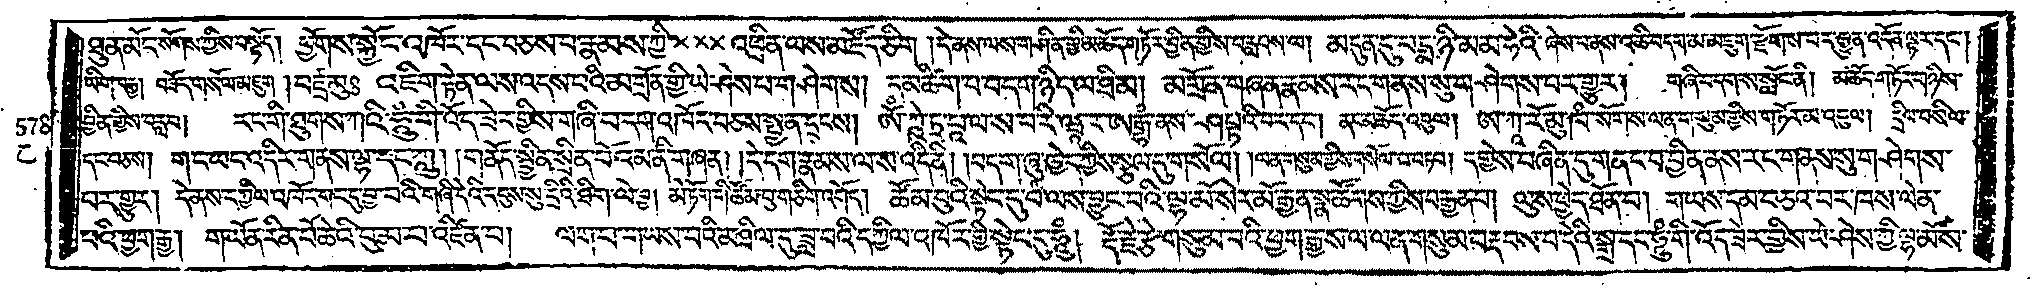ཐུན་མོང་སོགས་ཀྱིས་བསྟོད། ཕྱོགས་སྐྱོང་འཁོར་དང་བཅས་པ་རྣམས་ཀྱི་྾་྾་྾་འཕྲིན་ལས་མཛོད་ཅིག་།དེ་ནས་ལས་གཤིན་གྱི་མཆོད་གཏོར་བྱིན་གྱིས་བརླབས་ལ།  མདུན་དུ་པདམ་ཉི་མ་མ་ཧེའི་ཞེས་པ་ནས་འཆི་བདག་མ་མཇུག་རྫོགས་པར་རྒྱུན་འདོན་ལྟར་དང་།
ཡིག་བརྒྱ། བཟོད་གསོལ་མཇུག །བཛྲ་མུཿ འཇིག་རྟེན་ལས་འདས་པའི་མགྲོན་གྱི་ཡེ་ཤེས་པ་གཤེགས། དམ་ཚིག་པ་བདག་ཉིད་ལ་ཐིམ། མགྲོན་གཞན་རྣམས་རང་གནས་སུ་གཤེགས་པར་གྱུར། གཞི་བདག་ས་སློང་ནི། མཆོད་གཏོར་གཉིས་
བྱིན་གྱིས་བརླབ། རང་གི་ཐུགས་ཀའི་ཧཱུཾ་གི་འོད་ཟེར་གྱིས་གཞི་བདག་འཁོར་བཅས་སྤྱན་དྲངས། ཨོཾ་ཀྵེ་ཏྲ་པཱ་ལ་ས་བ་རི་ཝཱ་ར་ཨརྒྷཾ་ནས་ཤཔྟའི་བར་དང་། ནང་མཆོད་འབུལ།  ཨ་ཀཱ་རོ་མུ་ཁཾ་སོགས་ལན་གསུམ་གྱིས་གཏོར་མ་འབུལ། དྲིལ་བསིལ་
དང་བཅས། གང་ཡང་འདིར་གནས་ལྷ་དང་ཀླུ། །གནོད་སྦྱིན་སྲིན་པོའམ་ནི་གཞན། །དེ་དག་རྣམས་ལ་ས་འདི་ནི། །བདག་ཞུ་ཁྱེད་ཀྱིས་སྩལ་དུ་གསོལ། །ལན་གསུམ་གྱིས་གསོལ་བ་བཏབ།  དགྱེས་བཞིན་དུ་གནང་བ་བྱིན་ནས་རང་གནས་སུ་གཤེགས་
པར་གྱུར། དེ་ནས་དཀྱིལ་འཁོར་གང་དུ་བྱ་བའི་གཞི་དེའི་དབུས་སུ་དྲིའི་ཐིག་ལེ་བྱ། མེ་ཏོག་གི་ཚོམ་བུ་གཅིག་འགོད།  ཚོམ་བུའི་སྟེང་དུ་བཾ་ལས་བྱུང་བའི་ལྷ་མོ་སེར་མོ་རྒྱན་སྣ་ཚོགས་ཀྱིས་བརྒྱན་པ། ལུས་ཕྱེད་ཐོན་པ། གཡས་དམ་བཅའ་བར་ཁས་ལེན་
པའི་ཕྱག་རྒྱ། གཡོན་རིན་པོ་ཆེའི་བུམ་པ་འཛིན་པ། ལག་པ་གཡས་པའི་མཐིལ་དུ་ཟླ་བའི་དཀྱིལ་འཁོར་གྱི་སྟེང་དུ་ཧཱུཾ། རྡོ་རྗེ་རྩེ་གསུམ་པའི་ཕྱག་རྒྱས་ལ་ལན་གསུམ་བརྡབས་བ་དེའི་སྒྲ་དང་ཧཱུཾ་གི་འོད་ཟེར་གྱིས་ཡེ་ཤེས་ཀྱི་ལྷ་མོས་